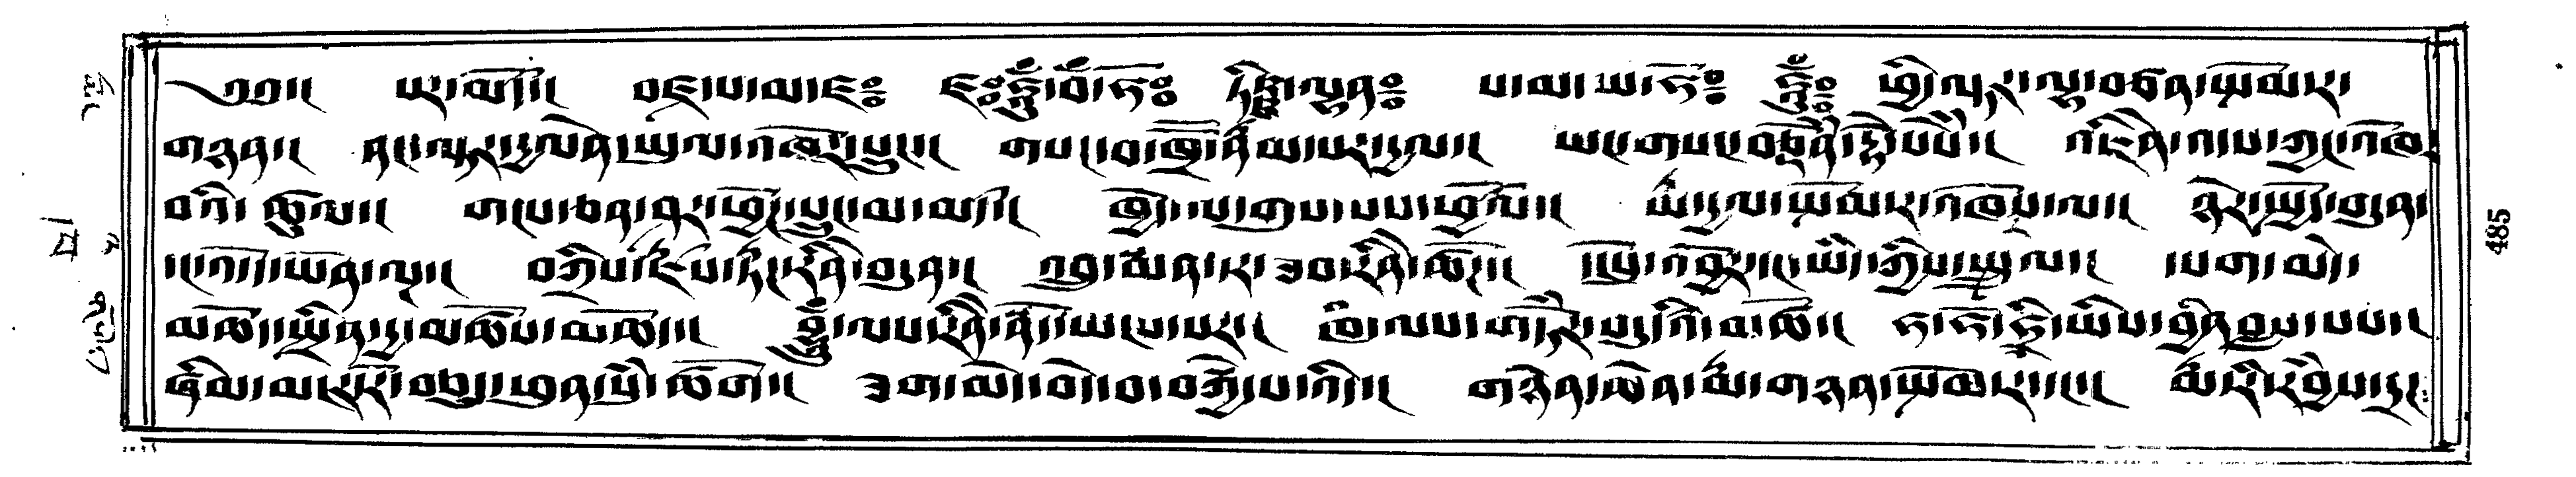པར་མཛོད། །བཛྲ་ས་མ་ཛ། ཛཿཧཱུྃ་བྂ་ཧོ། ཏིཥྛ་ལྷན། ས་མ་ཡ་ཧོ། ཧཱུྃ། ཕྱི་ལྟར་ལྷ་བཙན་སྤོམ་ར་
གཉན། །ནང་ལྟར་རྒྱལ་ཆེན་ཡུལ་འཁོར་སྲུང་། །གསང་བ་ཁྲོ་བོ་རྣམ་པར་རྒྱལ། །གཡང་གསང་བཅོམ་ལྡན་རྡོ་རྗེ་སེམས། །འཇིག་རྟེན་འདས་ཀྱང་འཁོར་
བའི་ཚུལ། །གངས་ཅན་ཤར་ཕྱོགས་སྲུང་མ་མཛད། །ཁྱོད་ལ་གུས་པས་ཕྱག་འཚལ་ལོ། །རྨ་རྒྱལ་སྤོམ་ར་འཁོར་བཅས་ལ། །ཉེར་སྤྱོད་བདུན་
དང་འདོད་ཡོན་ལྔ་། །བཀྲ་ཤིས་རྫས་རྟགས་རིན་ཆེན་བདུན། །འབྲུ་སྨན་དར་ཟབ་རིན་ཆེན་ཚོགས། །དངོས་སུ་འབྱོར་དང་ཡིད་ཀྱིས་སྤྲུལ། །དཔག་མེད་
མཆོད་སྤྲིན་རྒྱ་མཚོས་མཆོད། །བྷྲུྃ་ལས་རིན་ཆེན་སྣོད་ཡངས་པར། །ཁཾ་ལས་གཏོར་མ་བདུད་རྩིའི་མཚོ། །ཧ་ཧོ་ཧྲཱི་ཡིས་བྱིན་བརླབས་པས། །
ཞིམ་མངར་རོ་བཅུད་ཕུན་སུམ་ཚོགས། །ཟག་མེད་བདེ་བ་བསྐྱེད་པ་འདི། །གཉན་ཆེན་རྨ་གཉན་སྤོམ་ར་དང་། །རྨ་རི་རབ་འབྱམས་དྲག་